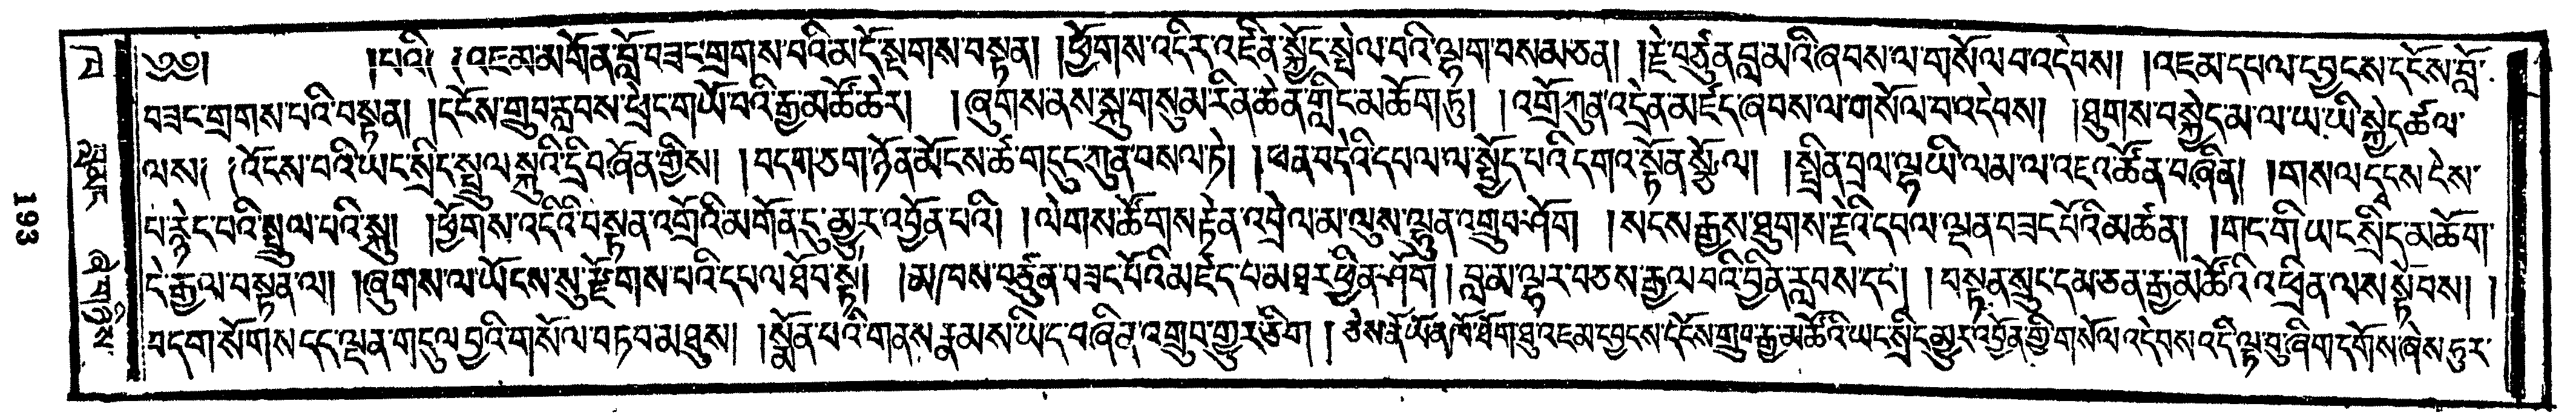༄༅། །པའི༑ ༑འཇམ་མགོན་བློ་བཟང་གྲགས་པའི་མདོ་སྔགས་བསྟན། །ཕྱོགས་འདིར་འཛིན་སྐྱོང་སྤེལ་བའི་ལྷག་བསམ་ཅན། །རྗེ་བཙུན་བླ་མའི་ཞབས་ལ་གསོལ་བ་འདེབས། །འཇམ་དཔལ་དབྱངས་དངོས་བློ་
བཟང་གྲགས་པའི་བསྟན། །དངོས་གྲུབ་རླབས་ཕྲེང་གཡོ་བའི་རྒྱ་མཚོ་ཆེར། །ཞུགས་ནས་སྐུ་གསུམ་རིན་ཆེན་གླིང་མཆོག་ཏུ། །འགྲོ་ཀུན་འདྲེན་མཛད་ཞབས་ལ་གསོལ་བ་འདེབས། །ཐུགས་བསྐྱེད་མ་ལ་ཡ་ཡི་སྐྱེད་ཚལ་
ལས༑ ༑འོངས་པའི་ཡང་སྲིད་སྤྲུལ་སྐུའི་དྲི་བཞོན་གྱིས། །བདག་ཅག་ཉོན་མོངས་ཚ་གདུང་ཀུན་བསལ་ཏེ། །ཕན་བདེའི་དཔལ་ལ་སྤྱོད་པའི་དགའ་སྟོན་སྩོལ། །སྤྲིན་བྲལ་ལྷ་ཡི་ལམ་ལ་འཇའ་ཚོན་བཞིན། །གསལ་དྭངས་ངེས་
པ་རྙེད་པའི་སྤྲུལ་པའི་སྐུ། །ཕྱོགས་འདིའི་བསྟན་འགྲོའི་མགོན་དུ་མྱུར་འབྱོན་པའི། །ལེགས་ཚོགས་རྟེན་འབྲེལ་མ་ལུས་ལྷུན་འགྲུབ་ཤོག །སངས་རྒྱས་ཐུགས་རྗེའི་དཔལ་ལྡན་བཟང་པོའི་མཚན། །གང་གི་ཡང་སྲིད་མཆོག་
དེ་རྒྱལ་བསྟན་ལ། །ཞུགས་ལ་ཡོངས་སུ་རྫོགས་པའི་དཔལ་ཐོབ་སྟེ། །མཁས་བཙུན་བཟང་པོའི་མཛད་པ་མཐར་ཕྱིན་ཤོག །བླ་མ་ལྷར་བཅས་རྒྱལ་བའི་བྱིན་རླབས་དང་། །བསྟན་སྲུང་དམ་ཅན་རྒྱ་མཚོའི་འཕྲིན་ལས་སྟོབས། །
བདག་སོགས་དང་ལྡན་གདུལ་བྱའི་གསོལ་བཏབ་མཐུས། །སྨོན་པའི་གནས་རྣམས་ཡིད་བཞིན་འགྲུབ་གྱུར་ཅིག །ཅེས་ནོ་ཡོན་ཁོ་ཐོག་ཐུ་འཇམ་དབྱངས་དངོས་གྲུབ་རྒྱ་མཚོའི་ཡང་སྲིད་མྱུར་འབྱོན་གྱི་གསོལ་འདེབས་འདི་ལྟ་བུ་ཞིག་དགོས་ཞེས་ཧུར་